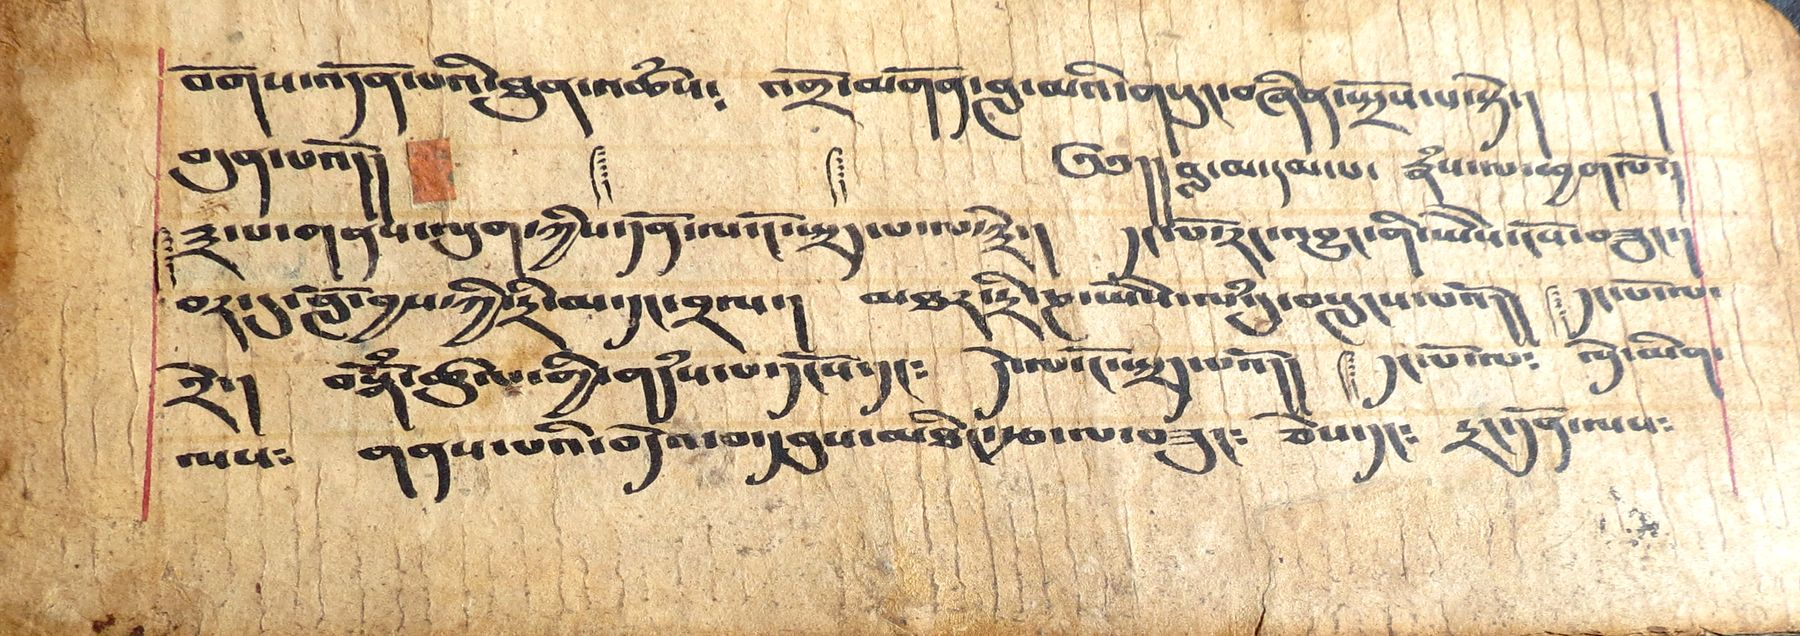བོགས་འདོན་པའི་ཐུན་མཚམས། འགྲོ་མགོན་བླ་མའི་གསུངས་བཞིན་སྤྲོས་པ་སྟེ་
བདུན་པའོ། ། བླ་མ་དམ་པ་རྣམས་ལ་ཕྱག་འཚལ་ལོ། 
གསུམ་པ་གནས་ལུགས་ཀྱི་དོན་ལ་ངོ་སྤྲད་པ་ལ་གསུམ་སྟེ། དང་པོ་རང་འབྱུང་གི་ཡེ་ཤེས་ངོས་བཟུང་། 
བར་དུ་བློས་བྱས་ཀྱི་དྲི་མ་དང་བྲལ། མཐར་དྲི་མེད་ཀྱི་ཡེ་ཤེས་ལམ་དུ་བསླང་བའོ། ། དང་པོ་ལ་
གཉིས་སྟེ། སྒོམ་ཚུལ་གྱི་གདམས་པ་དངོས་དང་། དེ་ལ་ངོ་སྤྲད་པའོ། དང་པོ་ལ་ལྡེ་མིག་
ལས། གནས་པ་བདེ་བ་དབུས་མཐིང་རྩ་ལ་བཟུང་ཞེས་དང་དྲང་དོན་ལས།